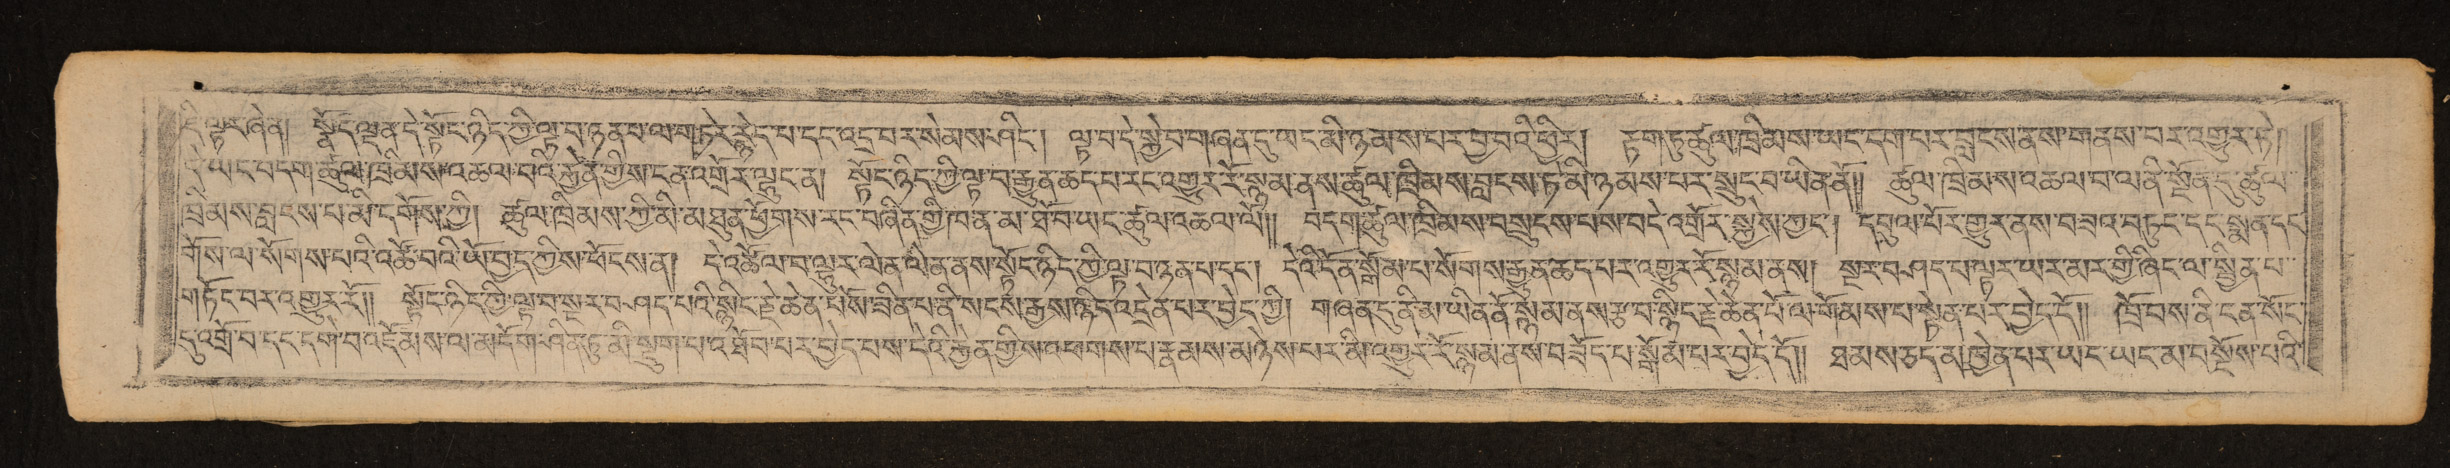ཇི་ལྟར་ཞེ་ན། སྣོད་ལྡན་དེ་སྟོང་ཉིད་ཀྱི་ལྟ་བ་ཉན་པ་ལ་གཏེར་རྙེད་པ་དང་འདྲ་བར་སེམས་ཤིང་། ལྟ་བ་དེ་སྐྱེ་བ་གཞན་དུ་ཡང་མི་ཉམས་པར་བྱ་བའི་ཕྱིར། རྟག་ཏུ་ཚུལ་ཁྲིམས་ཡང་དག་པར་བླངས་ནས་གནས་པར་འགྱུར་ཏེ།
དེ་ཡང་བདག་ཚུལ་ཁྲིམས་འཆལ་བའི་རྐྱེན་གྱིས་ངན་འགྲོར་ལྷུང་ན། སྟོང་ཉིད་ཀྱི་ལྟ་བ་རྒྱུན་ཆད་པ་རང་འགྱུར་རོ་སྙམ་ནས་ཚུལ་ཁྲིམས་བླངས་ཏེ་མི་ཉམས་པར་སྲུང་བ་ཡིན་ནོ།། ཚུལ་ཁྲིམས་འཆལ་བ་ལ་ནི་སྔོན་དུ་ཚུལ་
ཁྲིམས་བླངས་པ་མི་དགོས་ཀྱི། ཚུལ་ཁྲིམས་ཀྱི་མི་མཐུན་ཕྱོགས་རང་བཞིན་གྱི་ཁ་ན་མ་ཐོ་བ་ཡང་ཚུལ་འཆལ་ལོ།། བདག་ཚུལ་ཁྲིམས་བསྲུངས་པས་བདེ་འགྲོར་སྐྱེས་ཀྱང་། དབུལ་པོར་གྱུར་ནས་བཟའ་བཏུང་དང་སྨན་དང་
གོས་ལ་སོགས་པའི་འཚོ་བའི་ཡོ་བྱད་ཀྱིས་ཕོངས་ན། དེ་འཚོལ་བ་ལྷུར་ལེན་ནས་སྟོང་ཉིད་ཀྱི་ལྟ་བ་ཉན་པ་དང་། དེའི་དོན་སྒོམ་པ་སོགས་རྒྱུན་ཆད་པར་འགྱུར་རོ་སྙམ་ནས། སྔར་བཤད་པ་ལྟར་ཡར་མར་གྱི་ཞིང་ལ་སྦྱིན་པ་
གཏོང་བར་འགྱུར་རོ།། སྟོང་ཉིད་ཀྱི་ལྟ་བ་སྔར་བཤད་པའི་སྙིང་རྗེ་ཆེན་པོས་ཟིན་པ་ནི་སངས་རྒྱས་ཉིད་འདྲེན་པར་བྱེད་ཀྱི། གཞན་དུ་ནི་མ་ཡིན་ནོ་སྙམ་ནས་རྩ་བ་སྙིང་རྗེ་ཆེན་པོ་ལ་གོམས་པ་སྟེན་པར་བྱེད་དོ།། ཁྲོ་བས་ནི་ངན་སོང་
དུ་འགྲོ་བ་དང་དགེ་བ་འཇོམས་ལ་མདོག་ཤིན་ཏུ་མི་སྡུག་པ་འཐོབ་པར་བྱེད་པས་དེའི་རྐྱེན་གྱིས་འཕགས་པ་རྣམས་མཉེས་པར་མི་འགྱུར་རོ་སྙམ་ནས་བཟོད་པ་སྒོམ་པར་བྱེད་དོ།། ཐམས་ཅད་མཁྱེན་པར་ཡང་ཡང་མ་བསྔོས་པའི་